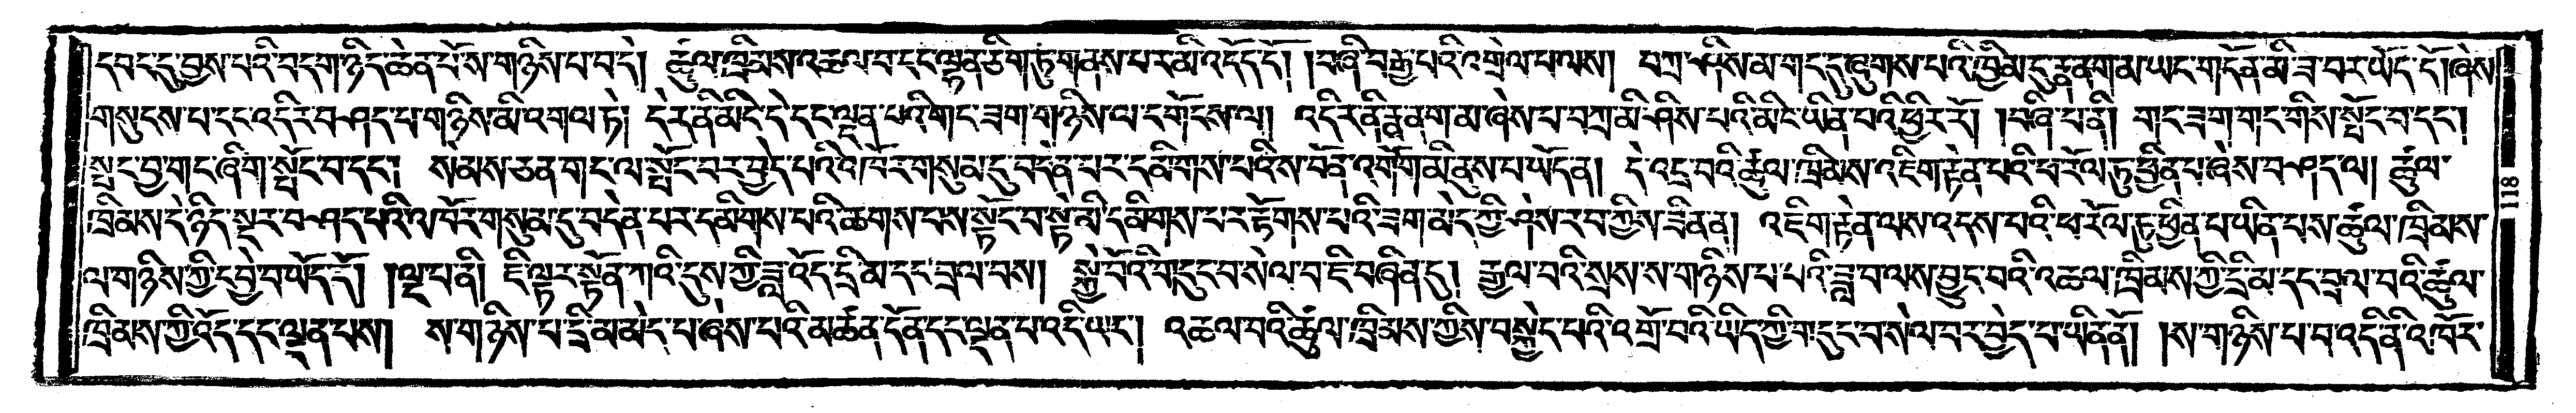དབང་དུ་བྱས་པའི་བདག་ཉིད་ཆེན་པོ་ས་གཉིས་པ་བ་དེ། ཚུལ་ཁྲིམས་འཆལ་བ་དང་ལྷན་ཅིག་ཏུ་གནས་པར་མི་འདོད་དོ། །བཞི་བརྒྱ་པའི་འགྲེལ་པ་ལས། བཀྲ་ཤིས་མ་གང་དུ་ཞུགས་པའི་ཁྱིམ་དུ་རྣ་ནག་མ་ཡང་གདོན་མི་ཟ་བར་ཡོད་དོ། །ཞེས་
གསུངས་པ་དང་འདིར་བཤད་པ་གཉིས་མི་འགལ་ཏེ། དེར་ནི་མིང་དེ་དང་ལྡན་པའི་གང་ཟག་གཉིས་ལ་དགོངས་ལ། འདིར་ནི་རྣ་ནག་མ་ཞེས་པ་བཀྲ་མི་ཤིས་པའི་མིང་ཡིན་པའི་ཕྱིར་རོ། །བཞི་པ་ནི། གང་ཟག་གང་གིས་སྤོང་བ་དང་།
སྤང་བྱ་གང་ཞིག་སྤོང་བ་དང་། སེམས་ཅན་གང་ལ་སྤོང་བར་བྱེད་པའི་འཁོར་གསུམ་དུ་བདེན་པར་དམིགས་པའི་ས་བོན་འགོག་མི་ནུས་པ་ཡོད་ན། དེ་འདྲ་བའི་ཚུལ་ཁྲིམས་འཇིག་རྟེན་པའི་ཕ་རོལ་ཏུ་ཕྱིན་པ་ཞེས་བཤད་ལ། ཚུལ་
ཁྲིམས་དེ་ཉིད་སྔར་བཤད་པའི་འཁོར་གསུམ་དུ་བདེན་པར་དམིགས་པའི་ཆགས་པས་སྟོང་པ་སྟེ་མི་དམིགས་པར་རྟོགས་པའི་ཟག་མེད་ཀྱི་ཤེས་རབ་ཀྱིས་ཟིན་ན། འཇིག་རྟེན་ལས་འདས་པའི་ཕ་རོལ་ཏུ་ཕྱིན་པ་ཡིན་པས་ཚུལ་ཁྲིམས་
ལ་གཉིས་ཀྱི་དབྱེ་བ་ཡོད་དོ། །ལྔ་པ་ནི། ཇི་ལྟར་སྟོན་ཀའི་དུས་ཀྱི་ཟླ་འོད་དྲི་མ་དང་བྲལ་བས། སྐྱེ་བོའི་གདུང་བ་སེལ་བ་ཇི་བཞིན་དུ། རྒྱལ་བའི་སྲས་ས་གཉིས་པ་བའི་ཟླ་བ་ལས་བྱུང་བའི་འཆལ་ཁྲིམས་ཀྱི་དྲི་མ་དང་བྲལ་བའི་ཚུལ་
ཁྲིམས་ཀྱི་འོད་དང་ལྡན་པས། ས་གཉིས་པ་དྲི་མ་མེད་པ་ཞེས་པའི་མཚན་དོན་དང་ལྡན་པ་འདི་ཡང་། འཆལ་བའི་ཚུལ་ཁྲིམས་ཀྱིས་བསྐྱེད་པའི་འགྲོ་བའི་ཡིད་ཀྱི་གདུང་བ་སེལ་བར་བྱེད་པ་ཡིན་ནོ། །ས་གཉིས་པ་བ་འདི་ནི་འཁོར་